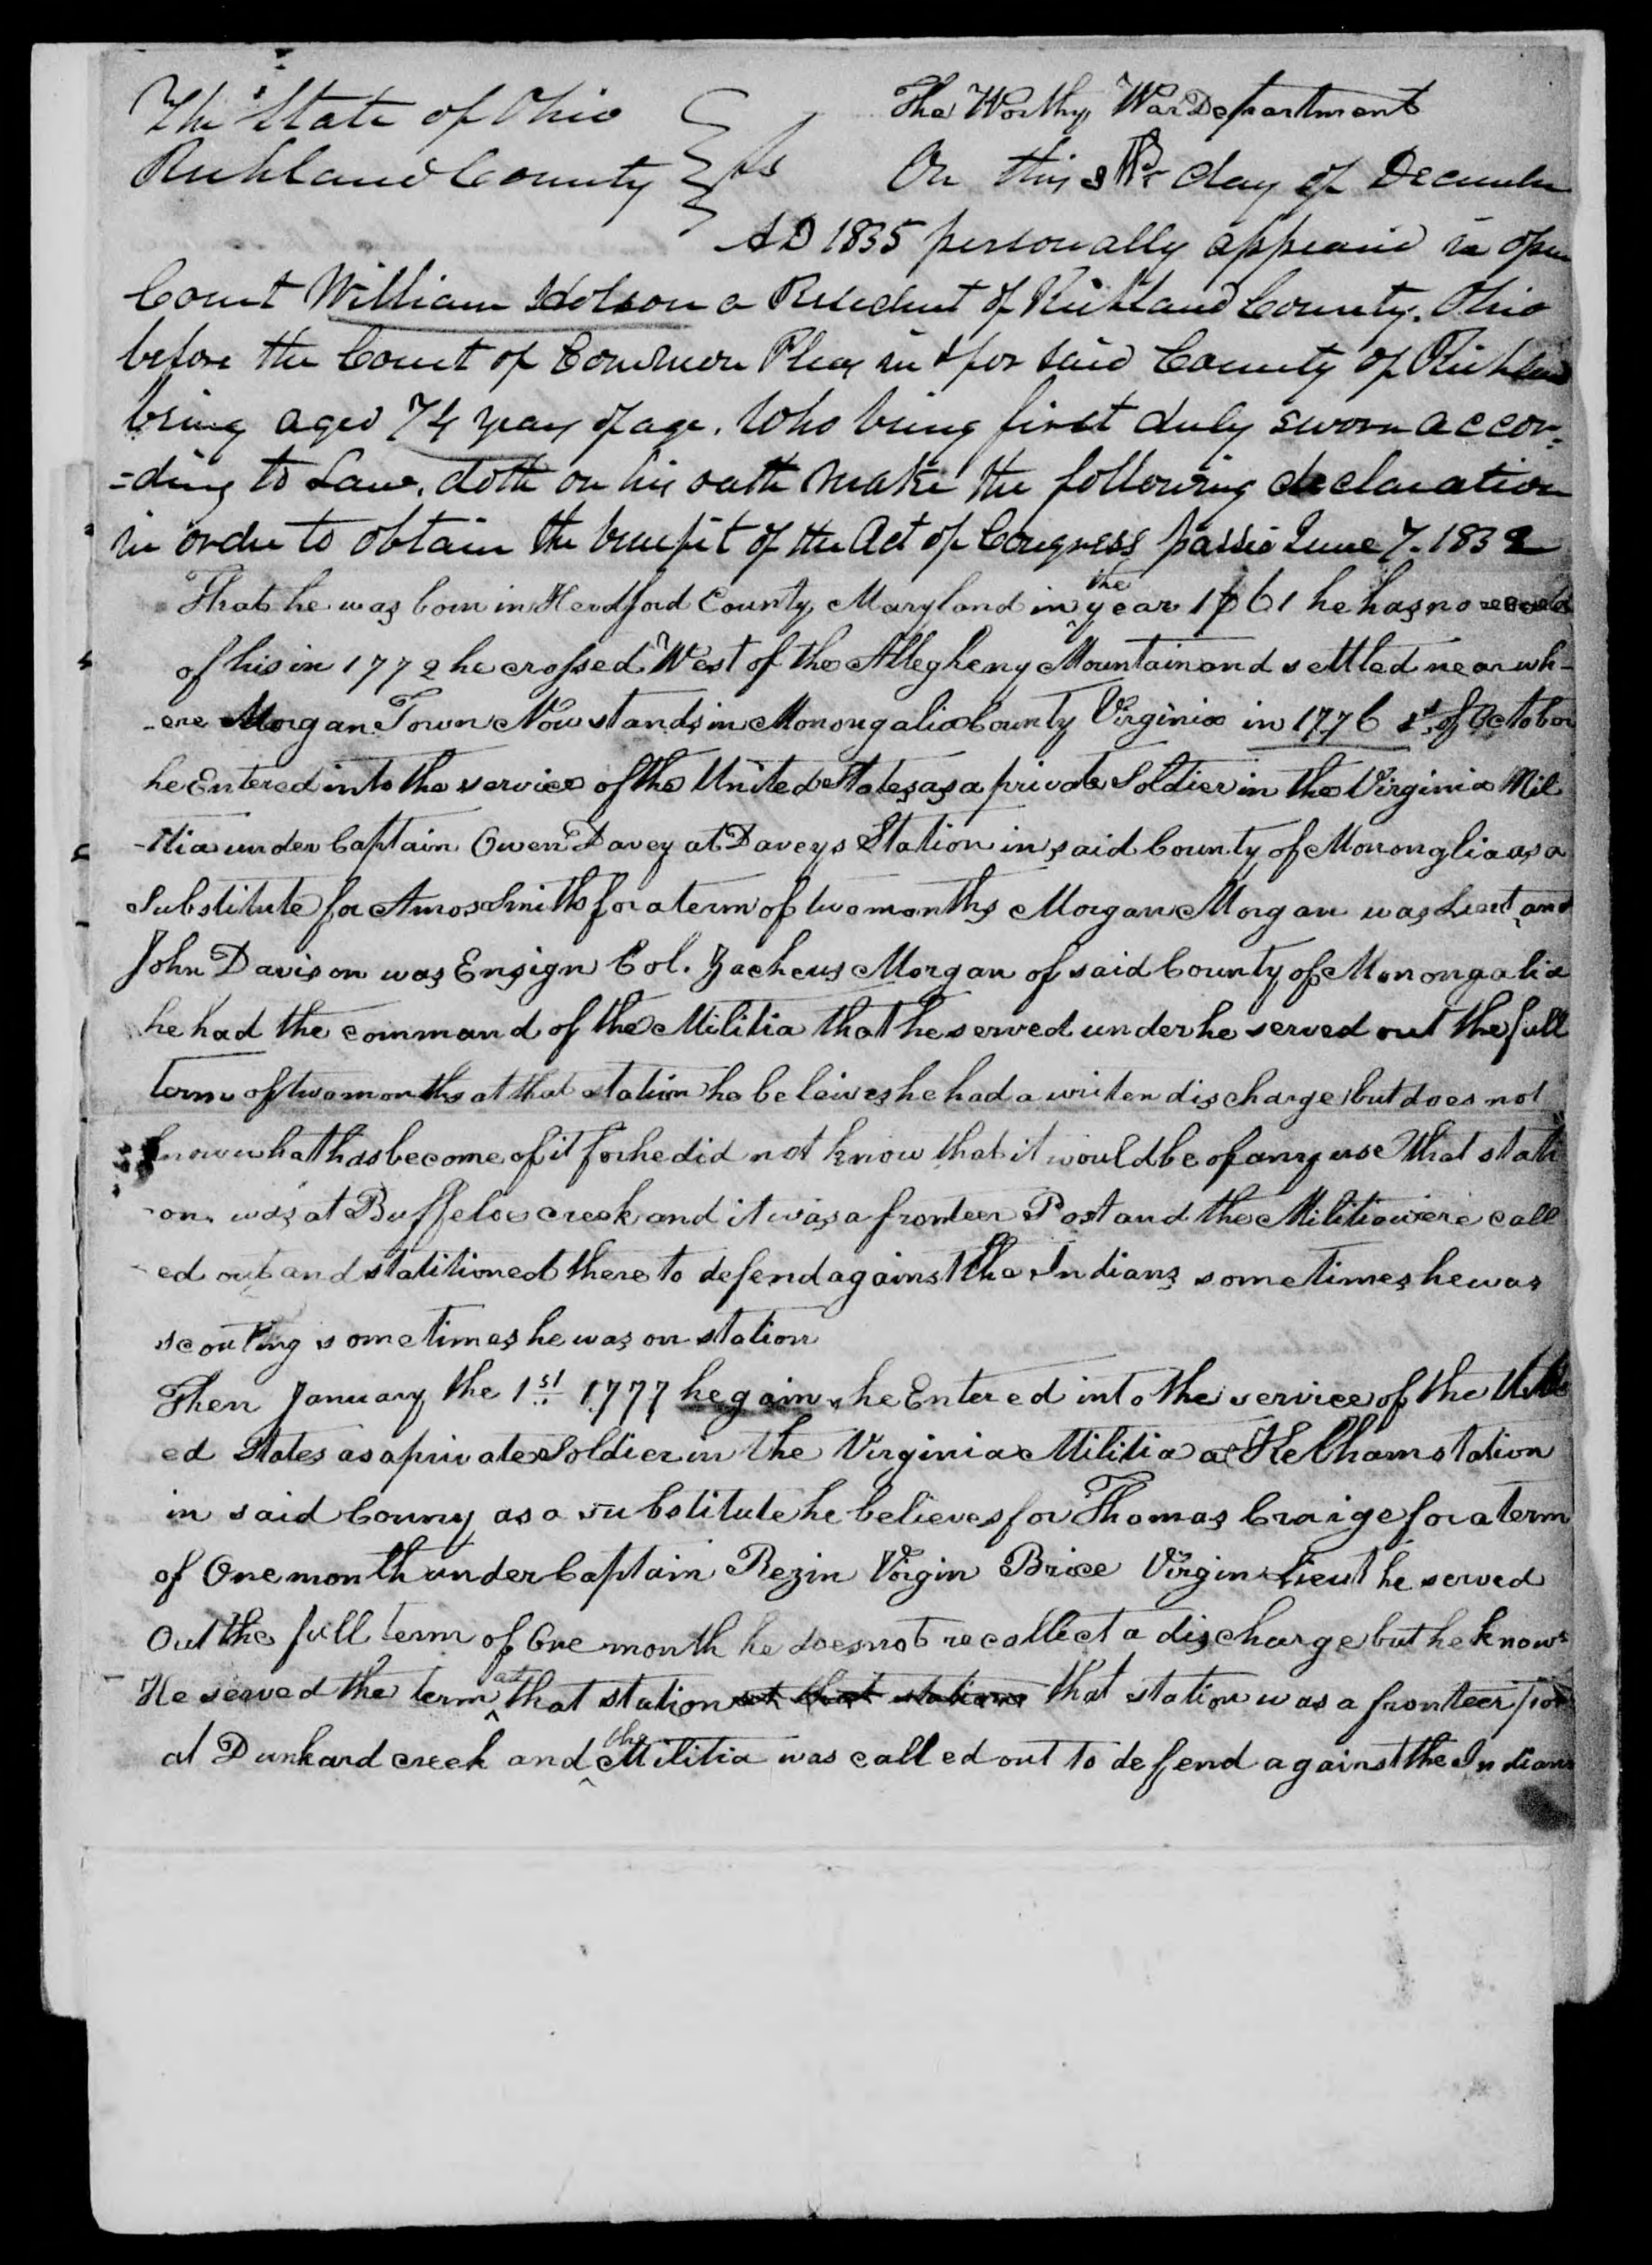The State of Ohio The Worthy War Department
Richland County SS On this 31st day of December AD 1835 personally appeared in open Court William Holson a Resident of Richland County, Ohio before the Court of Common Pleas in & for said County of Richland being aged 74 years of age, who being first duly sworn according to Law, doth on his oath make the following declaration in order to obtain the benefit of the Act of Congress passed June 7 1832 
That he was born in Herdford County Maryland in the year 1761 he has no record of his in 1772 he crossed West of the Allegheny Mountain and settled near where Morgan Town Now stands in Monongalia County Virginia in 1776 1st of October he Entered into the service of the United States as a private Soldier in the Virginia Militia under Captain Owen Davey at Daveys Station in said County of Monongalia as a Substitute for Amos Smith for a term of two months Morgan Morgan was Lieutenant John Davison was Ensign Col. Zacheus Morgan of said County of Monongalia he had the command of the Militia that he served under he served out the full term of two months at that station he believes he had a writen discharge but does not know what has become of it for he did not know that it would be of any use That station was at Buffalo Creek and it was a fronteer Post and the Militia were called out and stationed there to defend against the Indians sometimes he was scouting sometimes he was on station
Then January the 1st 1777 he again he Entered into the service of the United States as a private Soldier in the Virginia Militia at Kelham station in said County as a substitute he believes for Thomas Craige for a term of one month under Catain Rezin Virgin Brice Virgin Lieut he served out the full term of one month he does not recollect a discharge but he knows He served the term at that station that station was a fronteer for at Dunkard creek and the Militia was called out to defend against the Indians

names: Morgan Morgan, Owen Davey, John Davison, William Holson, Amos Smith, Rezin Virgin, Thomas Craige, Brice Virgin, Zacheus Morgan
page: 18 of 33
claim: survivor's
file: S. 9587, William Holson, Va.